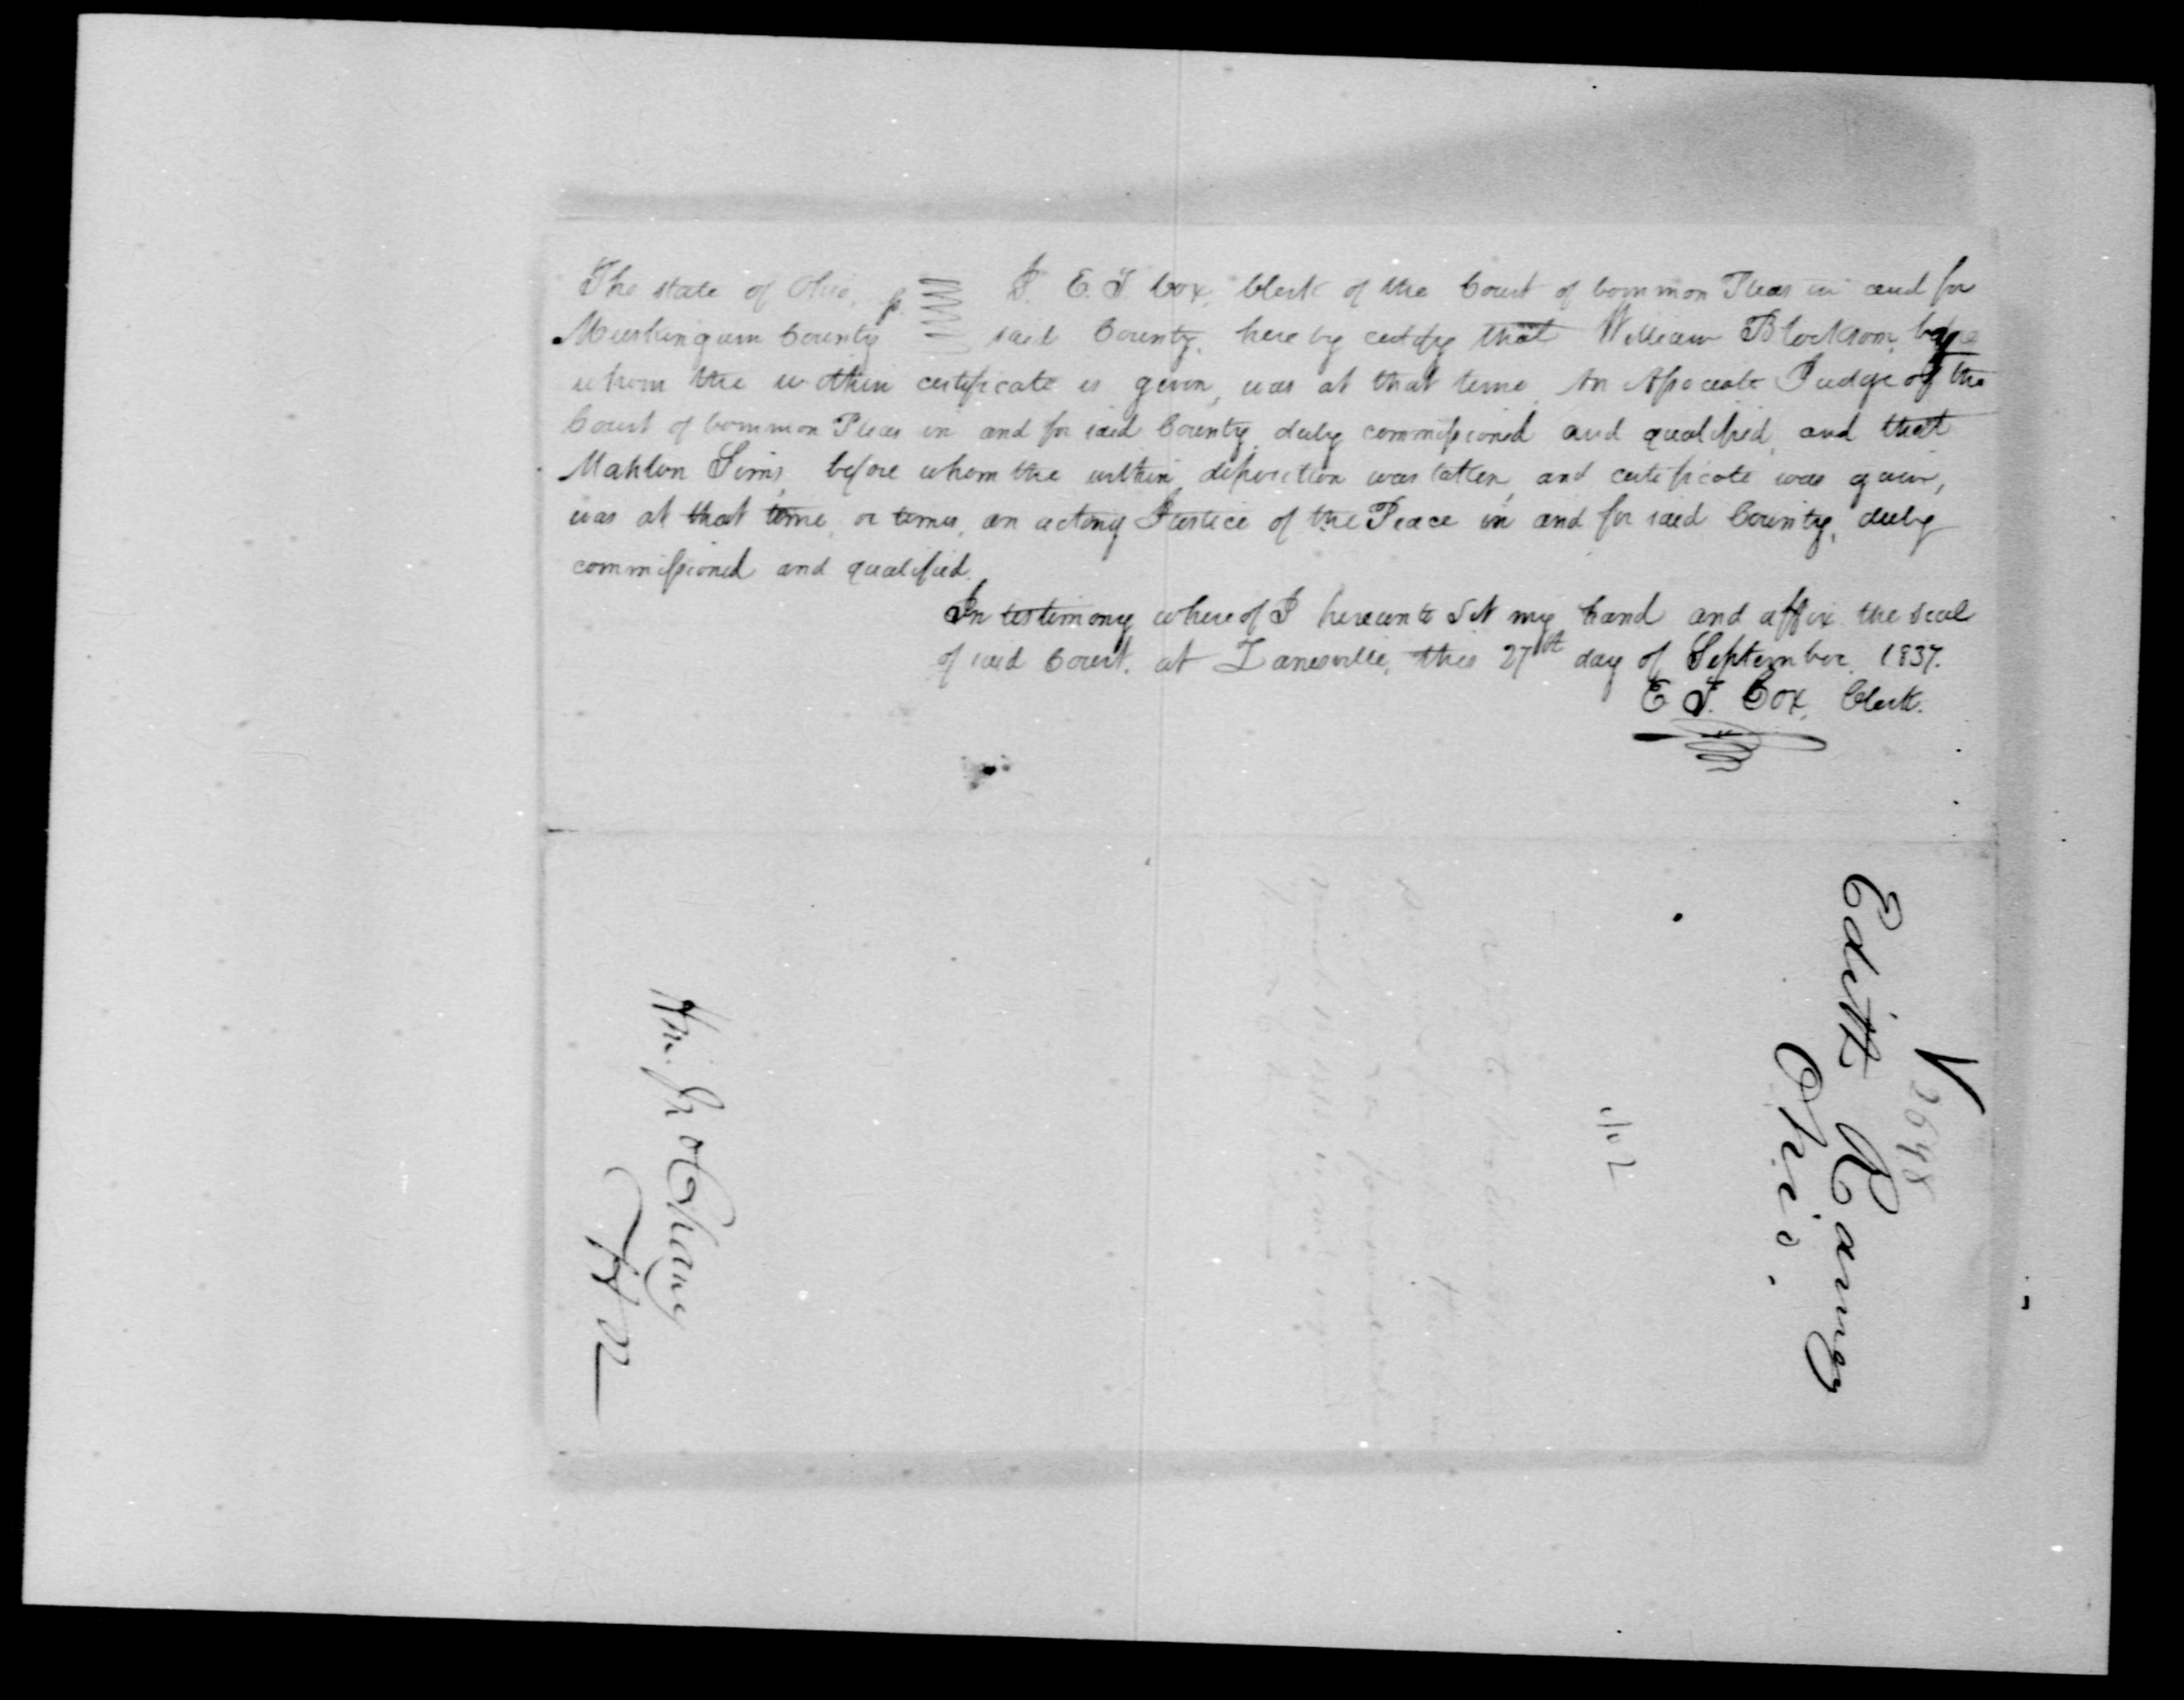The state of Ohio I, E. T. Cox, Clerk of the Court of
Muskingum County Common Pleas in and for said County hereby certify that William Blocksom before whom the within certificate is given, was at the time An Associate Judge of the Court of Common Pleas in and for said County duly commissioned and qualified, and that Mahlon Sims before whom the within deposition was taken and certificate was given, was at that time, or times, an acting Justice of the Peace in and for said County, duly commissioned and qualified.
In testimony whereof I hereunto set my hand and affix the seal of said Court, at Lainesville, this 27th day of September 1837.
E. T. Cox Clerk.

V2698
Edith Ramey
Ohio.
No 2
Hon. Jno Chany
HR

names: Jno Chany; E T Cox; William Blocksom; Edith Ramey; Mahlon Sims; E T Cox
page: 10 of 84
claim: widow's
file: W.11104, for John Remay, Virginia